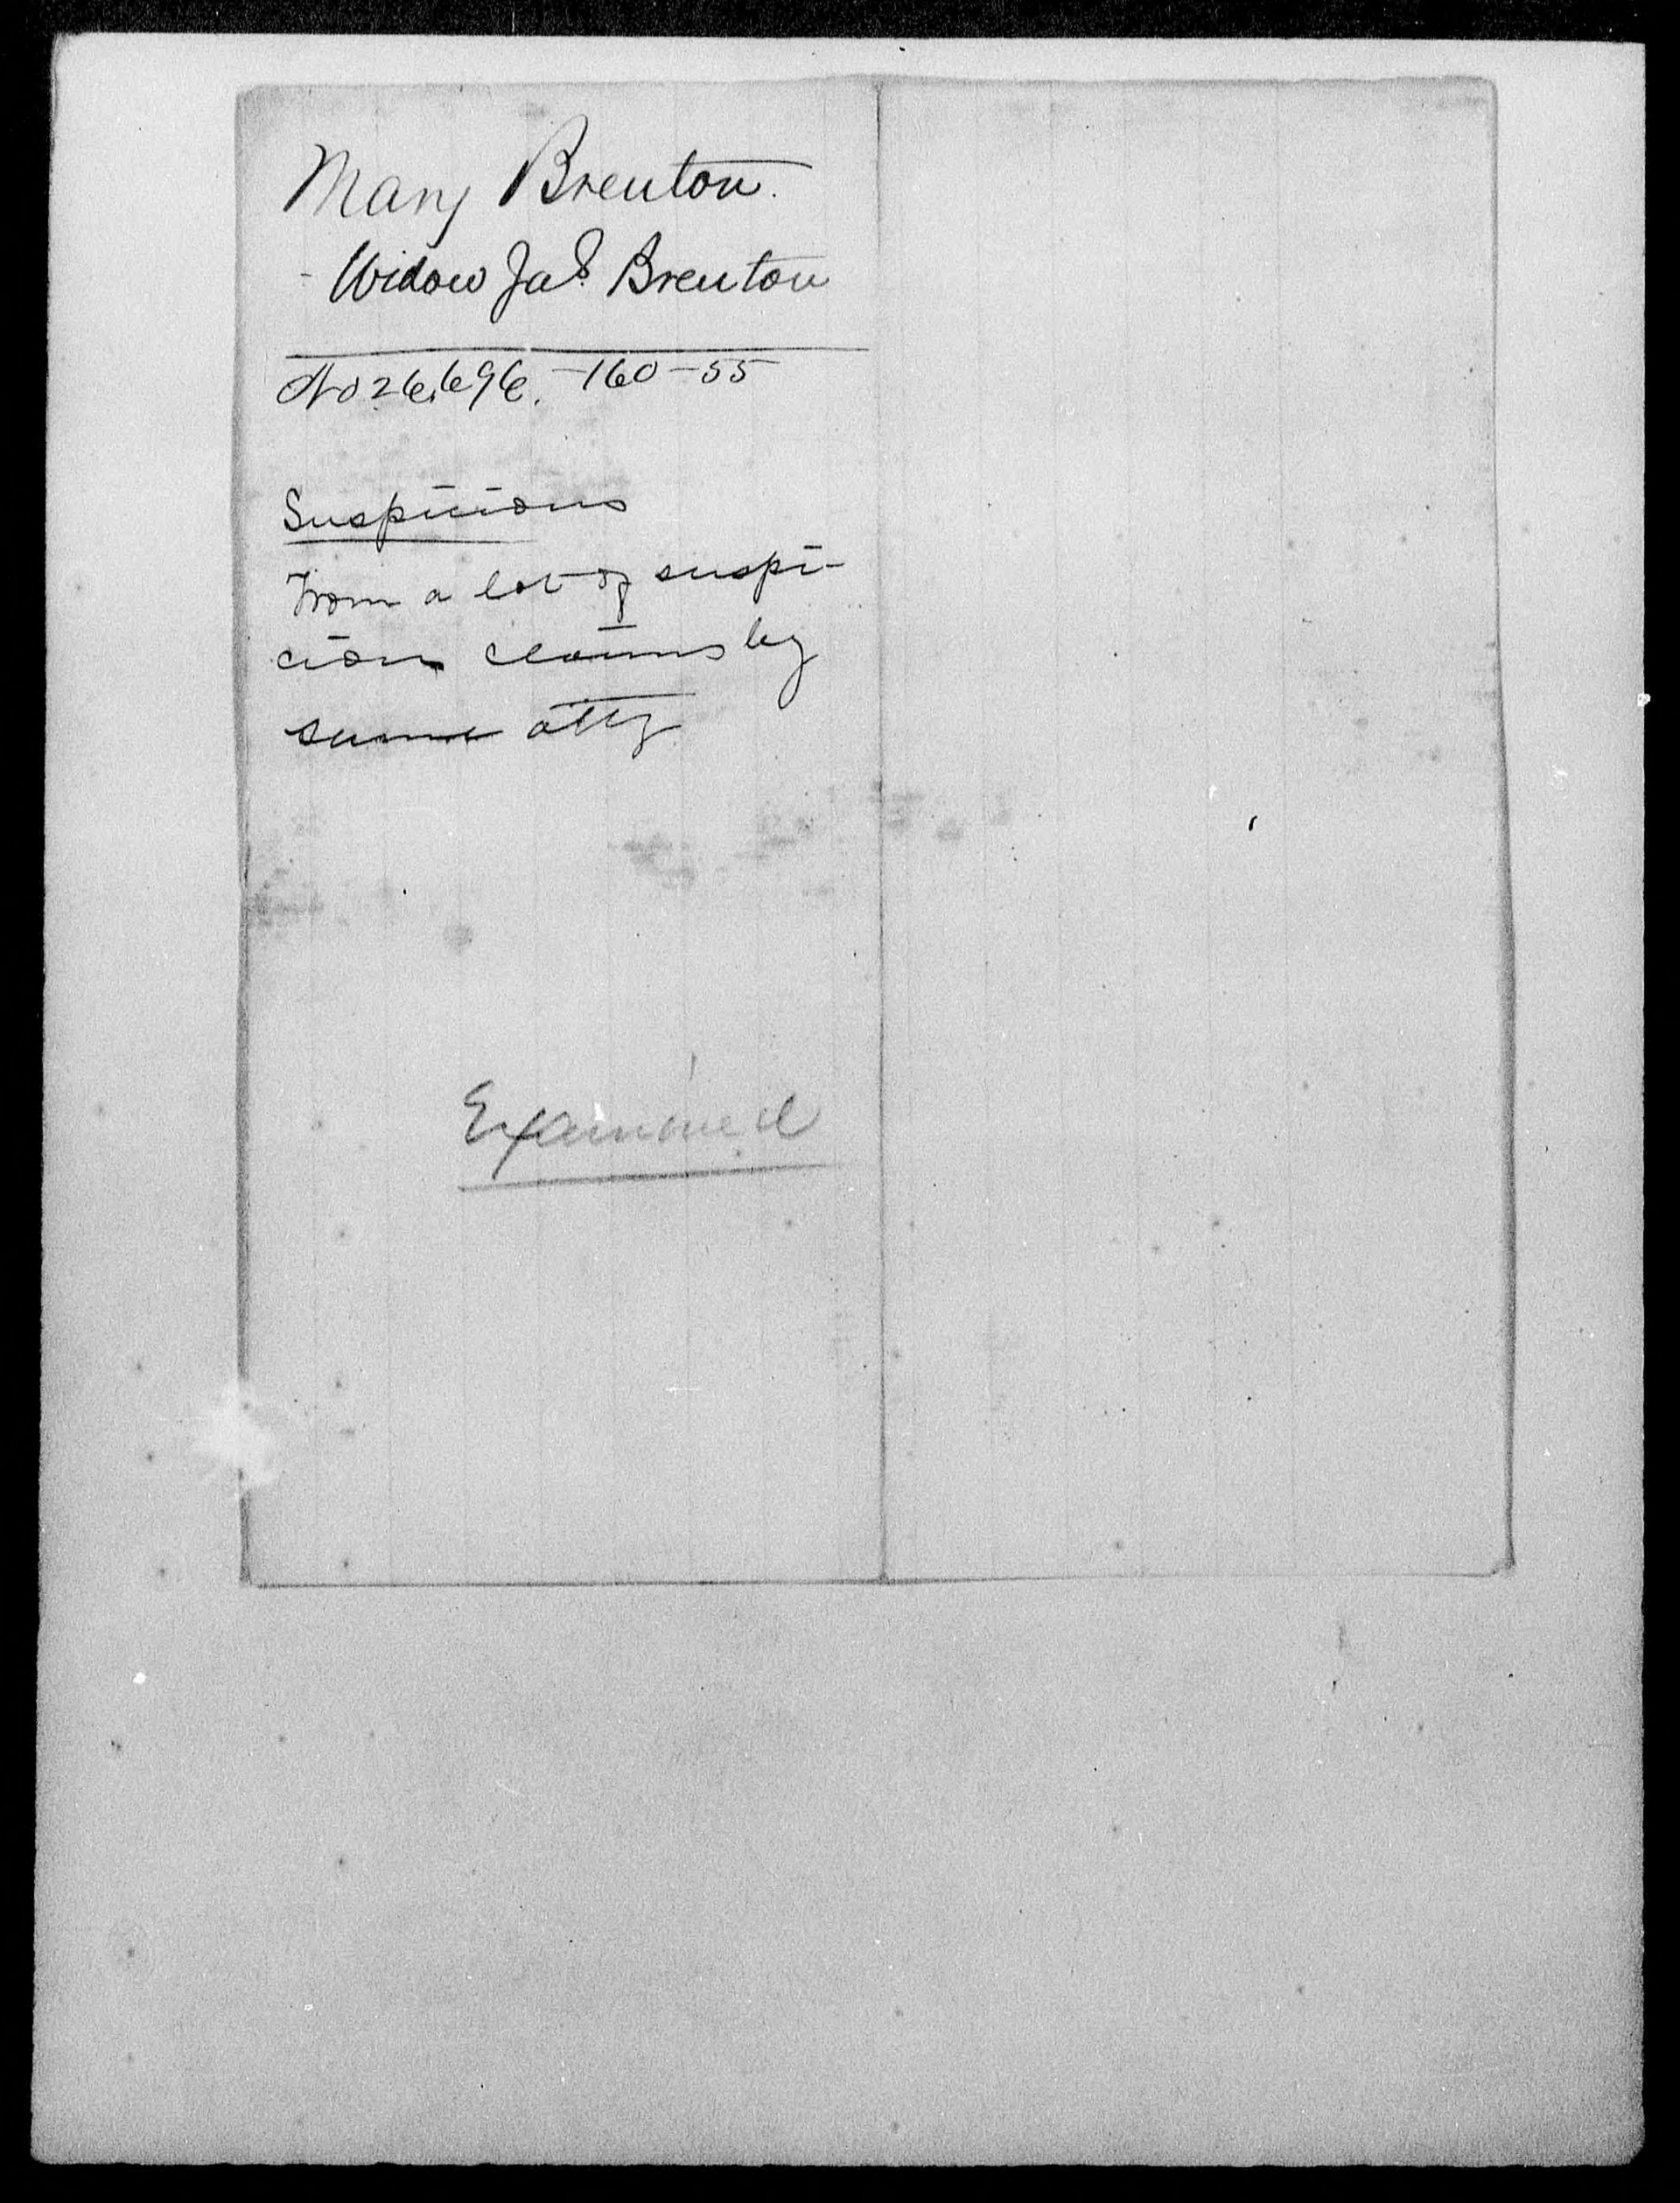Mary Brenton. 
Widow Jas. Brenton
No. 26696--160--55
Suspicious
From a lot of suspicious claims by [illegible] atty

Examined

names: Jas Brenton, Mary Brenton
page: 28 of 49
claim: widow's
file: W. 2518, James Brenton, Va.